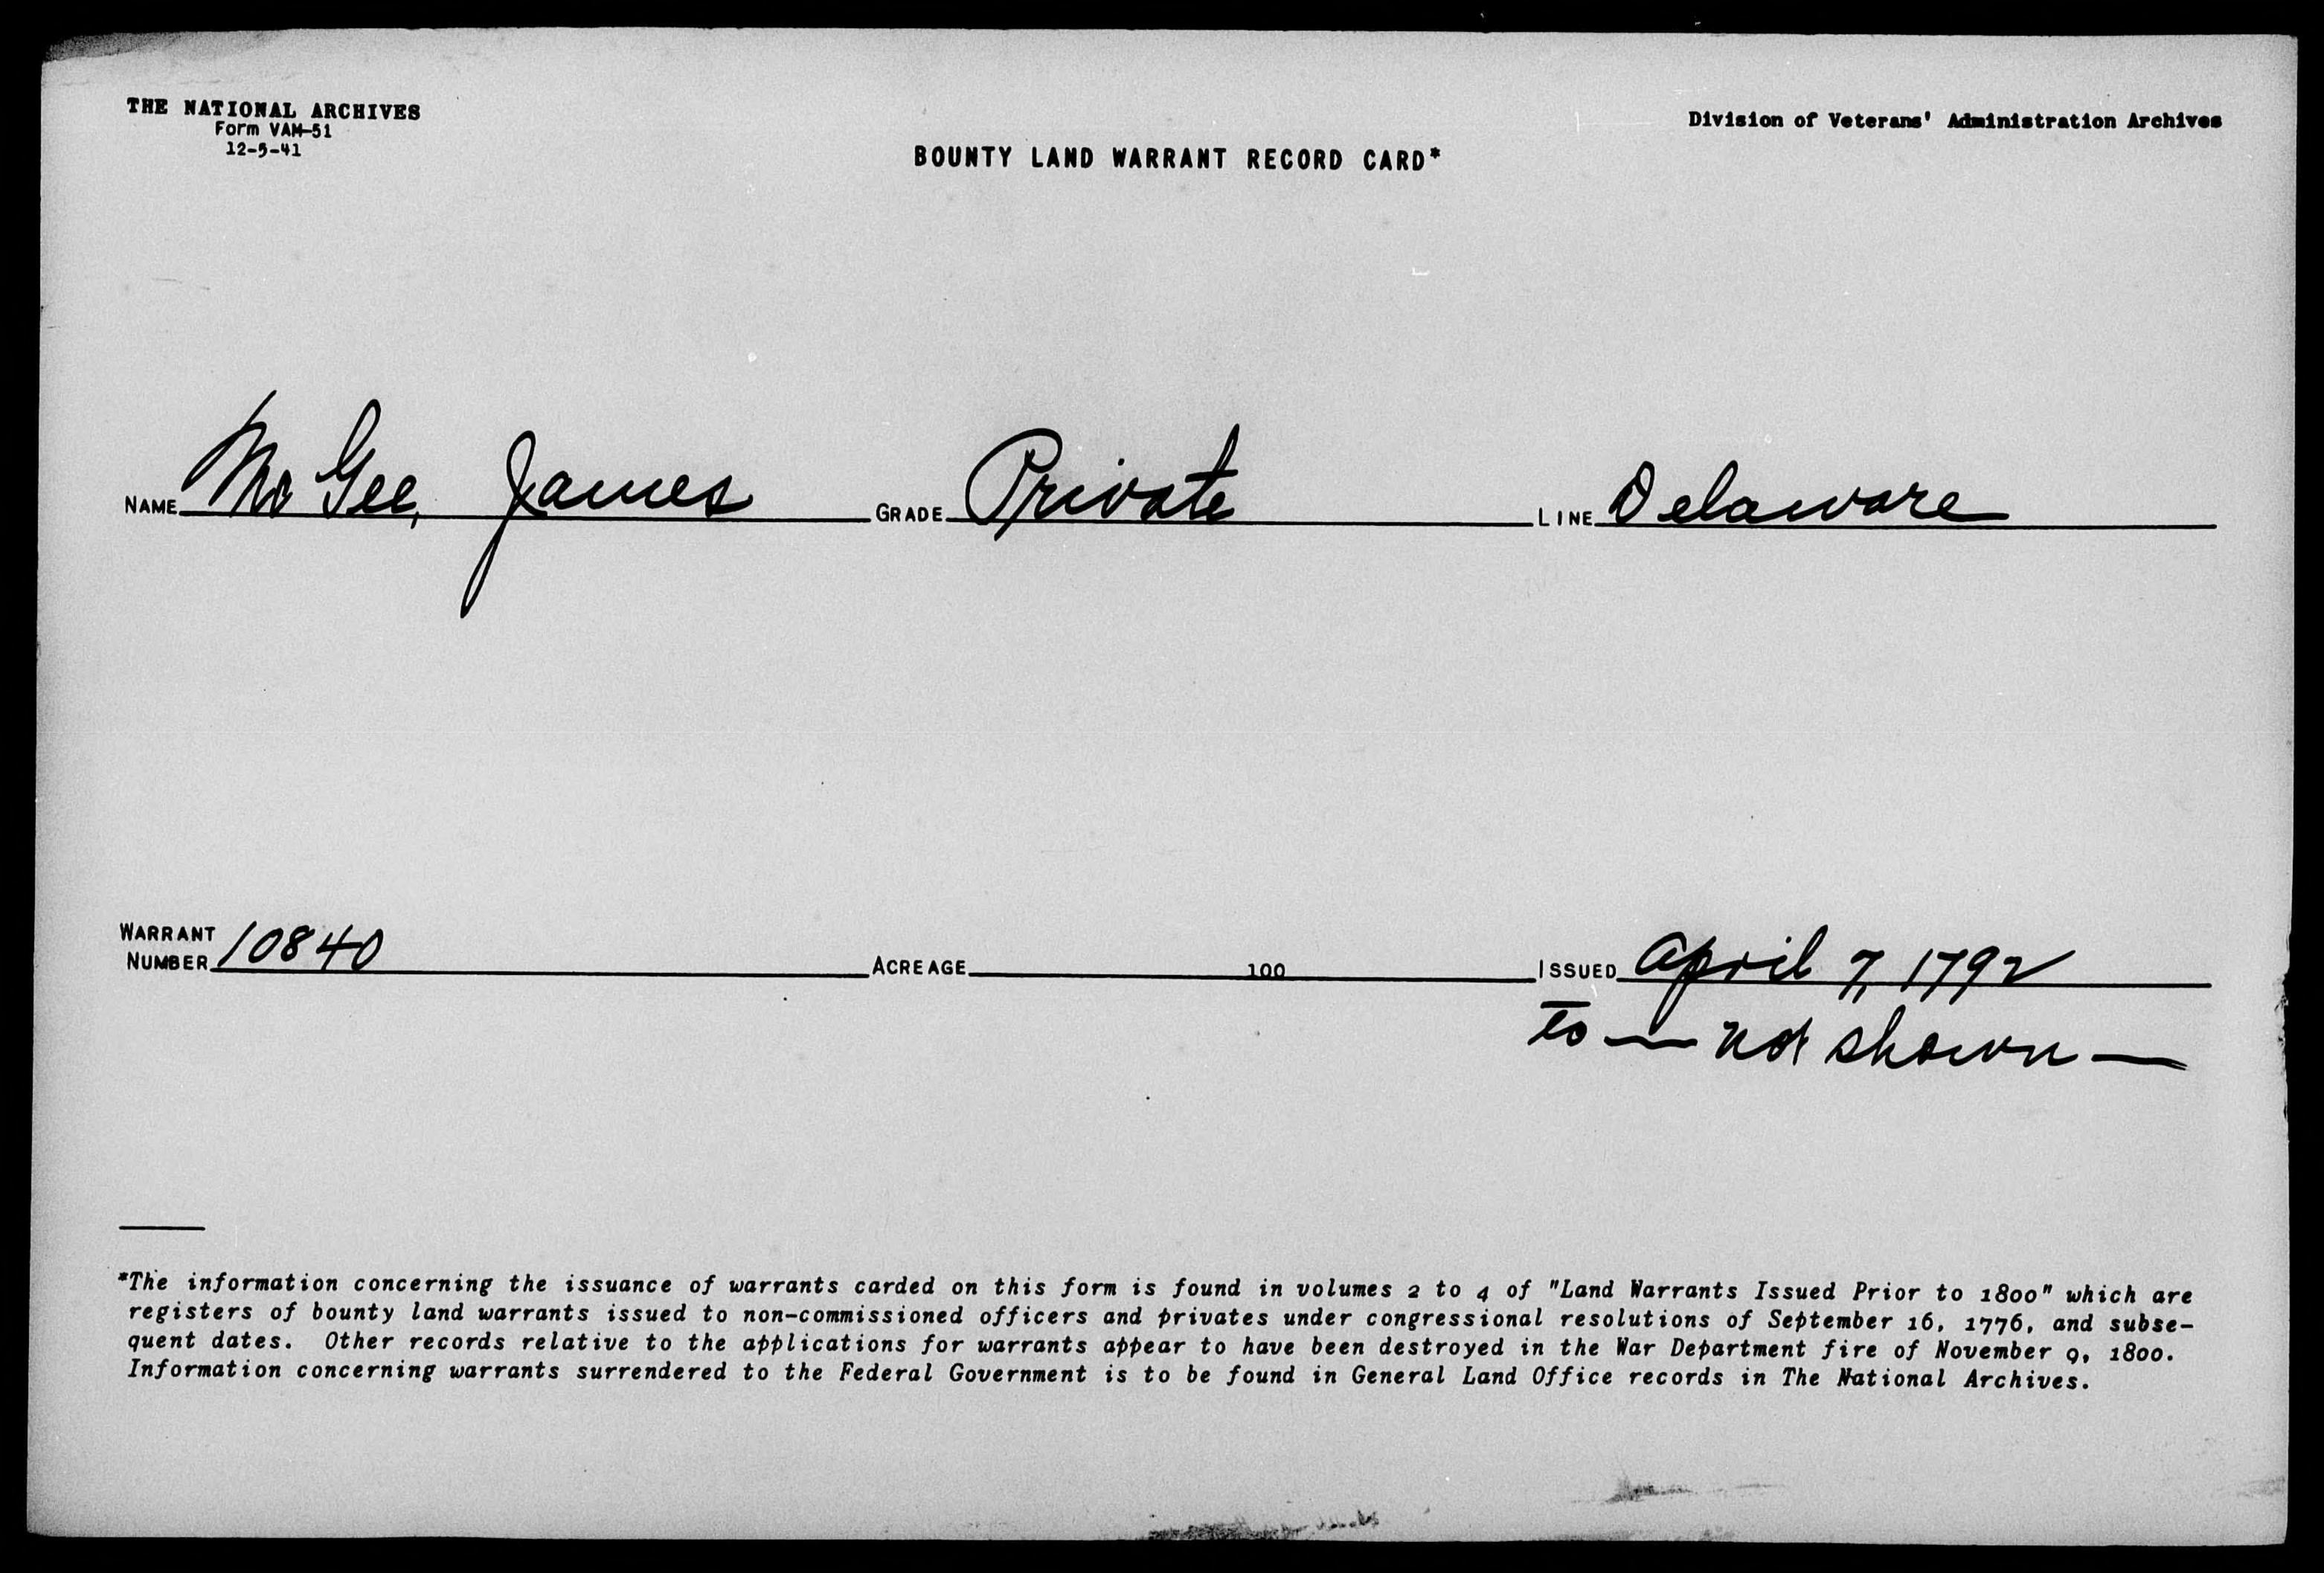THE NATIONAL ARCHIVES
Form VAN-51-
12-5-41

BOUNTY LAND WARRANT RECORD CARD*
Division of Veterans' Administration Archives

Name McGee James
Grade Private
Line Delaware

Warrant Number  10840
Acreage 100
ISSUED April 7, 1792
to ----not shown-
*The information concerning the issuance of warrants carded on this form is found in volumes 2 to 4 of ""Land Warrants Issued Prior to 1800"" which are
registers of bounty land warrants issued to non-commissioned officers and privates under congressional resolutions of September 16, 1776, and subsequent
dates. Other records relative to the applications for warrants appear to have been destroyed in the War Department fire of November 9, 1800.
Information concerning warrants surrendered to the Federal Government is to be found in General Land Office records in The National Archives.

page: 77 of 77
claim: widow's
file: W 2954, for James Mc Gee, Delaware